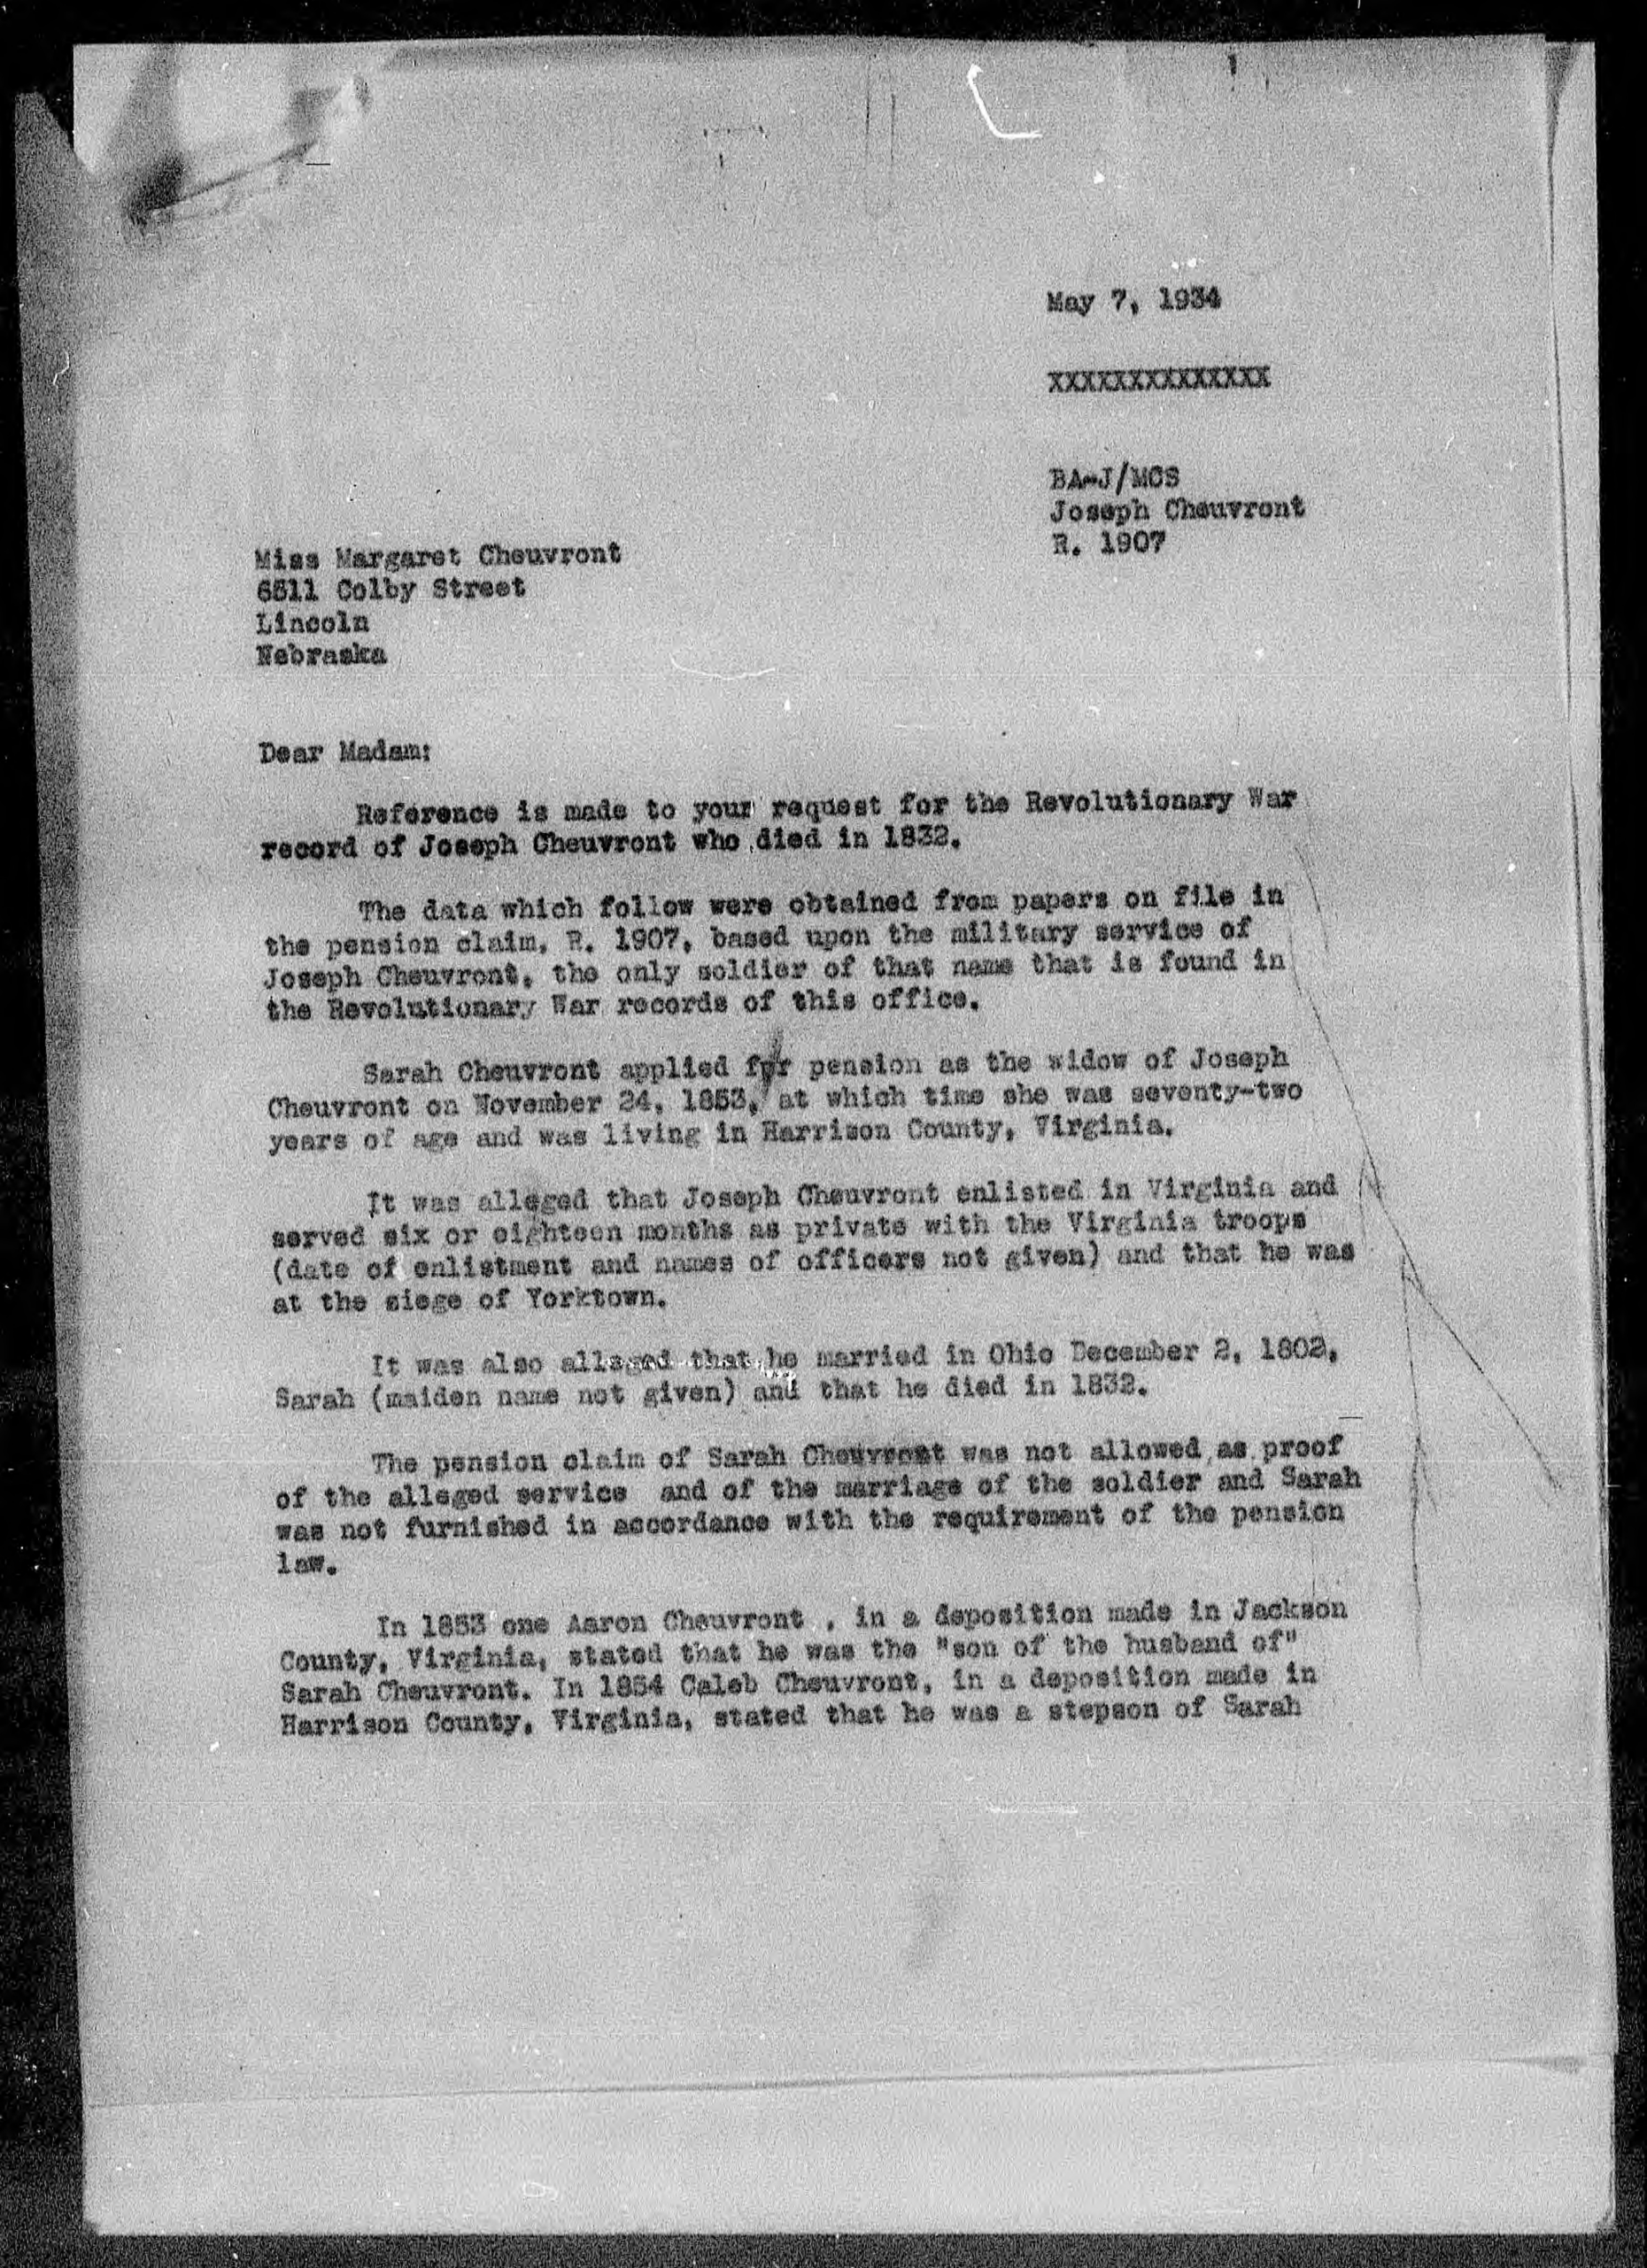VA.
CHEUVRONT,JOSEPH
SARAH
R 1907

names: Joseph Cheuvront, Sarah, Caleb Cheuvront, Joseph Cheuvront, Margaret Cheuvront, Sarah, Aaron Cheuvront, Sarah, Joseph Cheuvront, Joseph Cheuvront, Sarah Cheuvront, Sarah Cheuvront, Sarah Cheuvront, Joseph Cheuvront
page: 10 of 21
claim: rejected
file: R. 1,907, Joseph Cheuvront, Va.